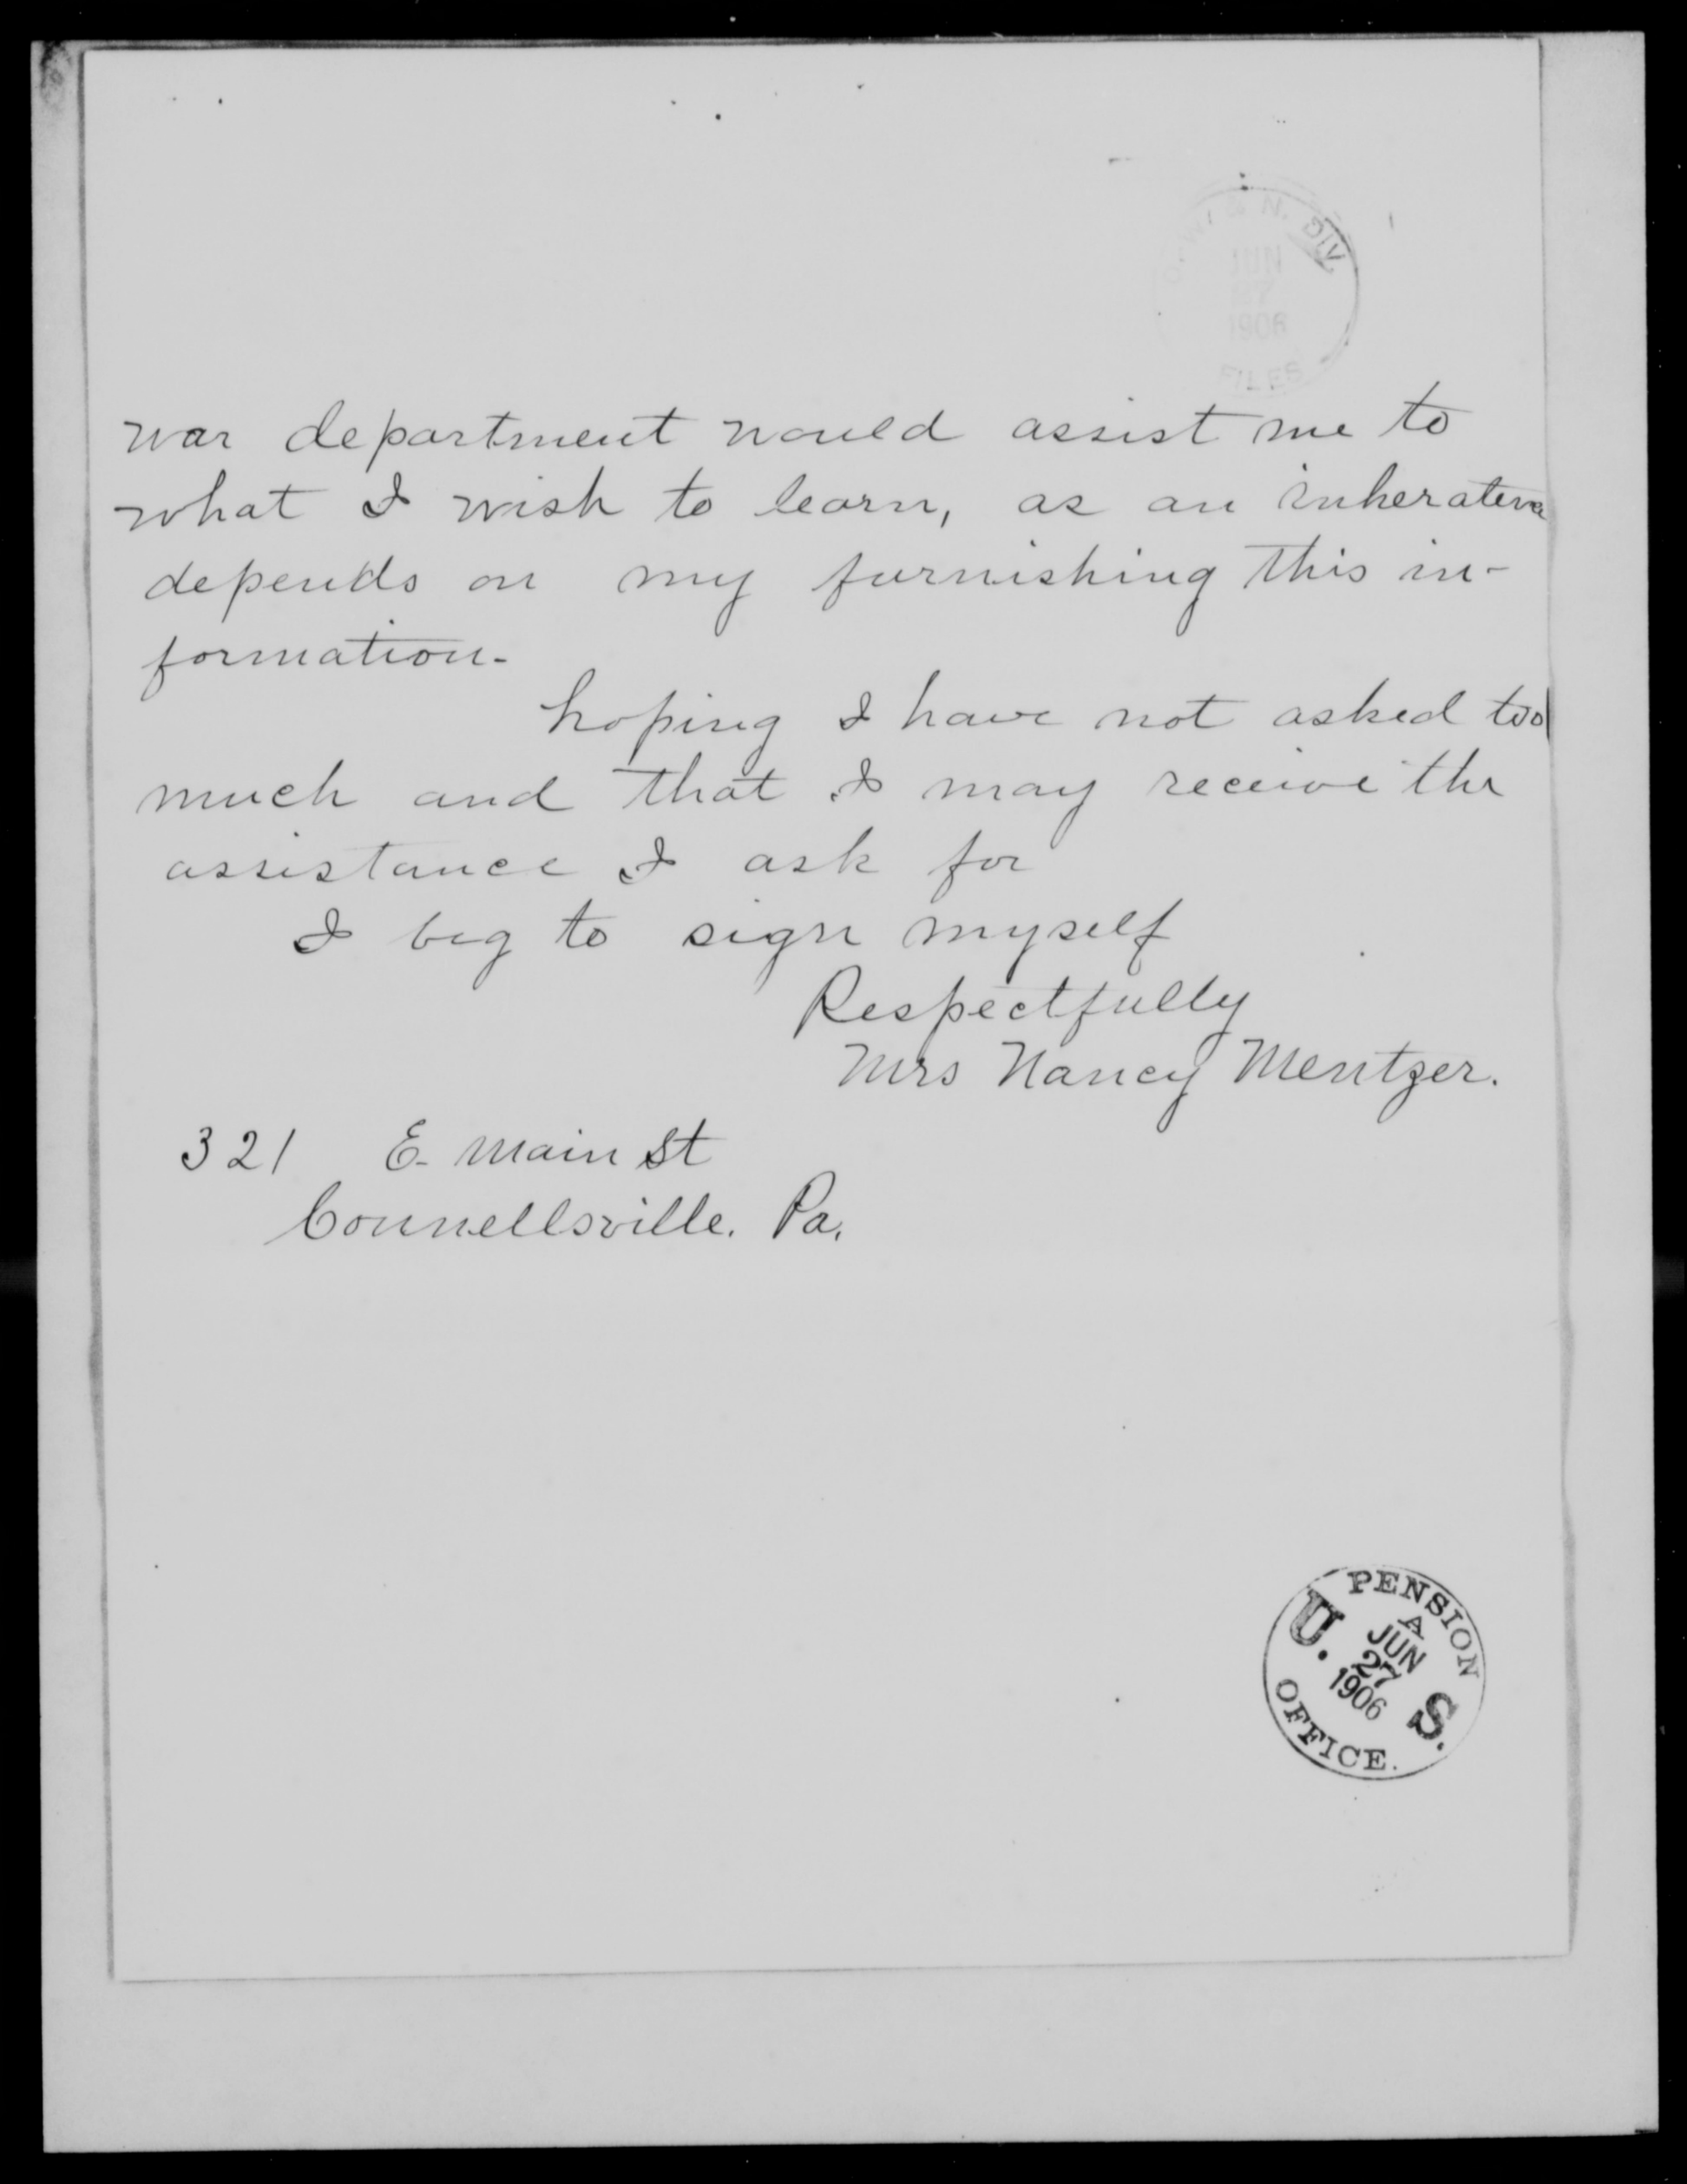[top right has part of a round stamp that is illegible}
war department would assist me to what I wish to learn as an inherit[illegible] depends on my furnishing this information.

hoping I have not asked too much and that I may receive the assistance I ask for

I beg to sign myself

Respectfully 

Mrs Nancy Mentzer

321 E. main St
Connellsville, Pa.

[round stamp] U.S. Pension Office Jun 27 1906 [round stamp]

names: Nancy Mentzer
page: 43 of 73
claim: widow's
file: W. 3197, for Peter Stillwagon, New Jersey